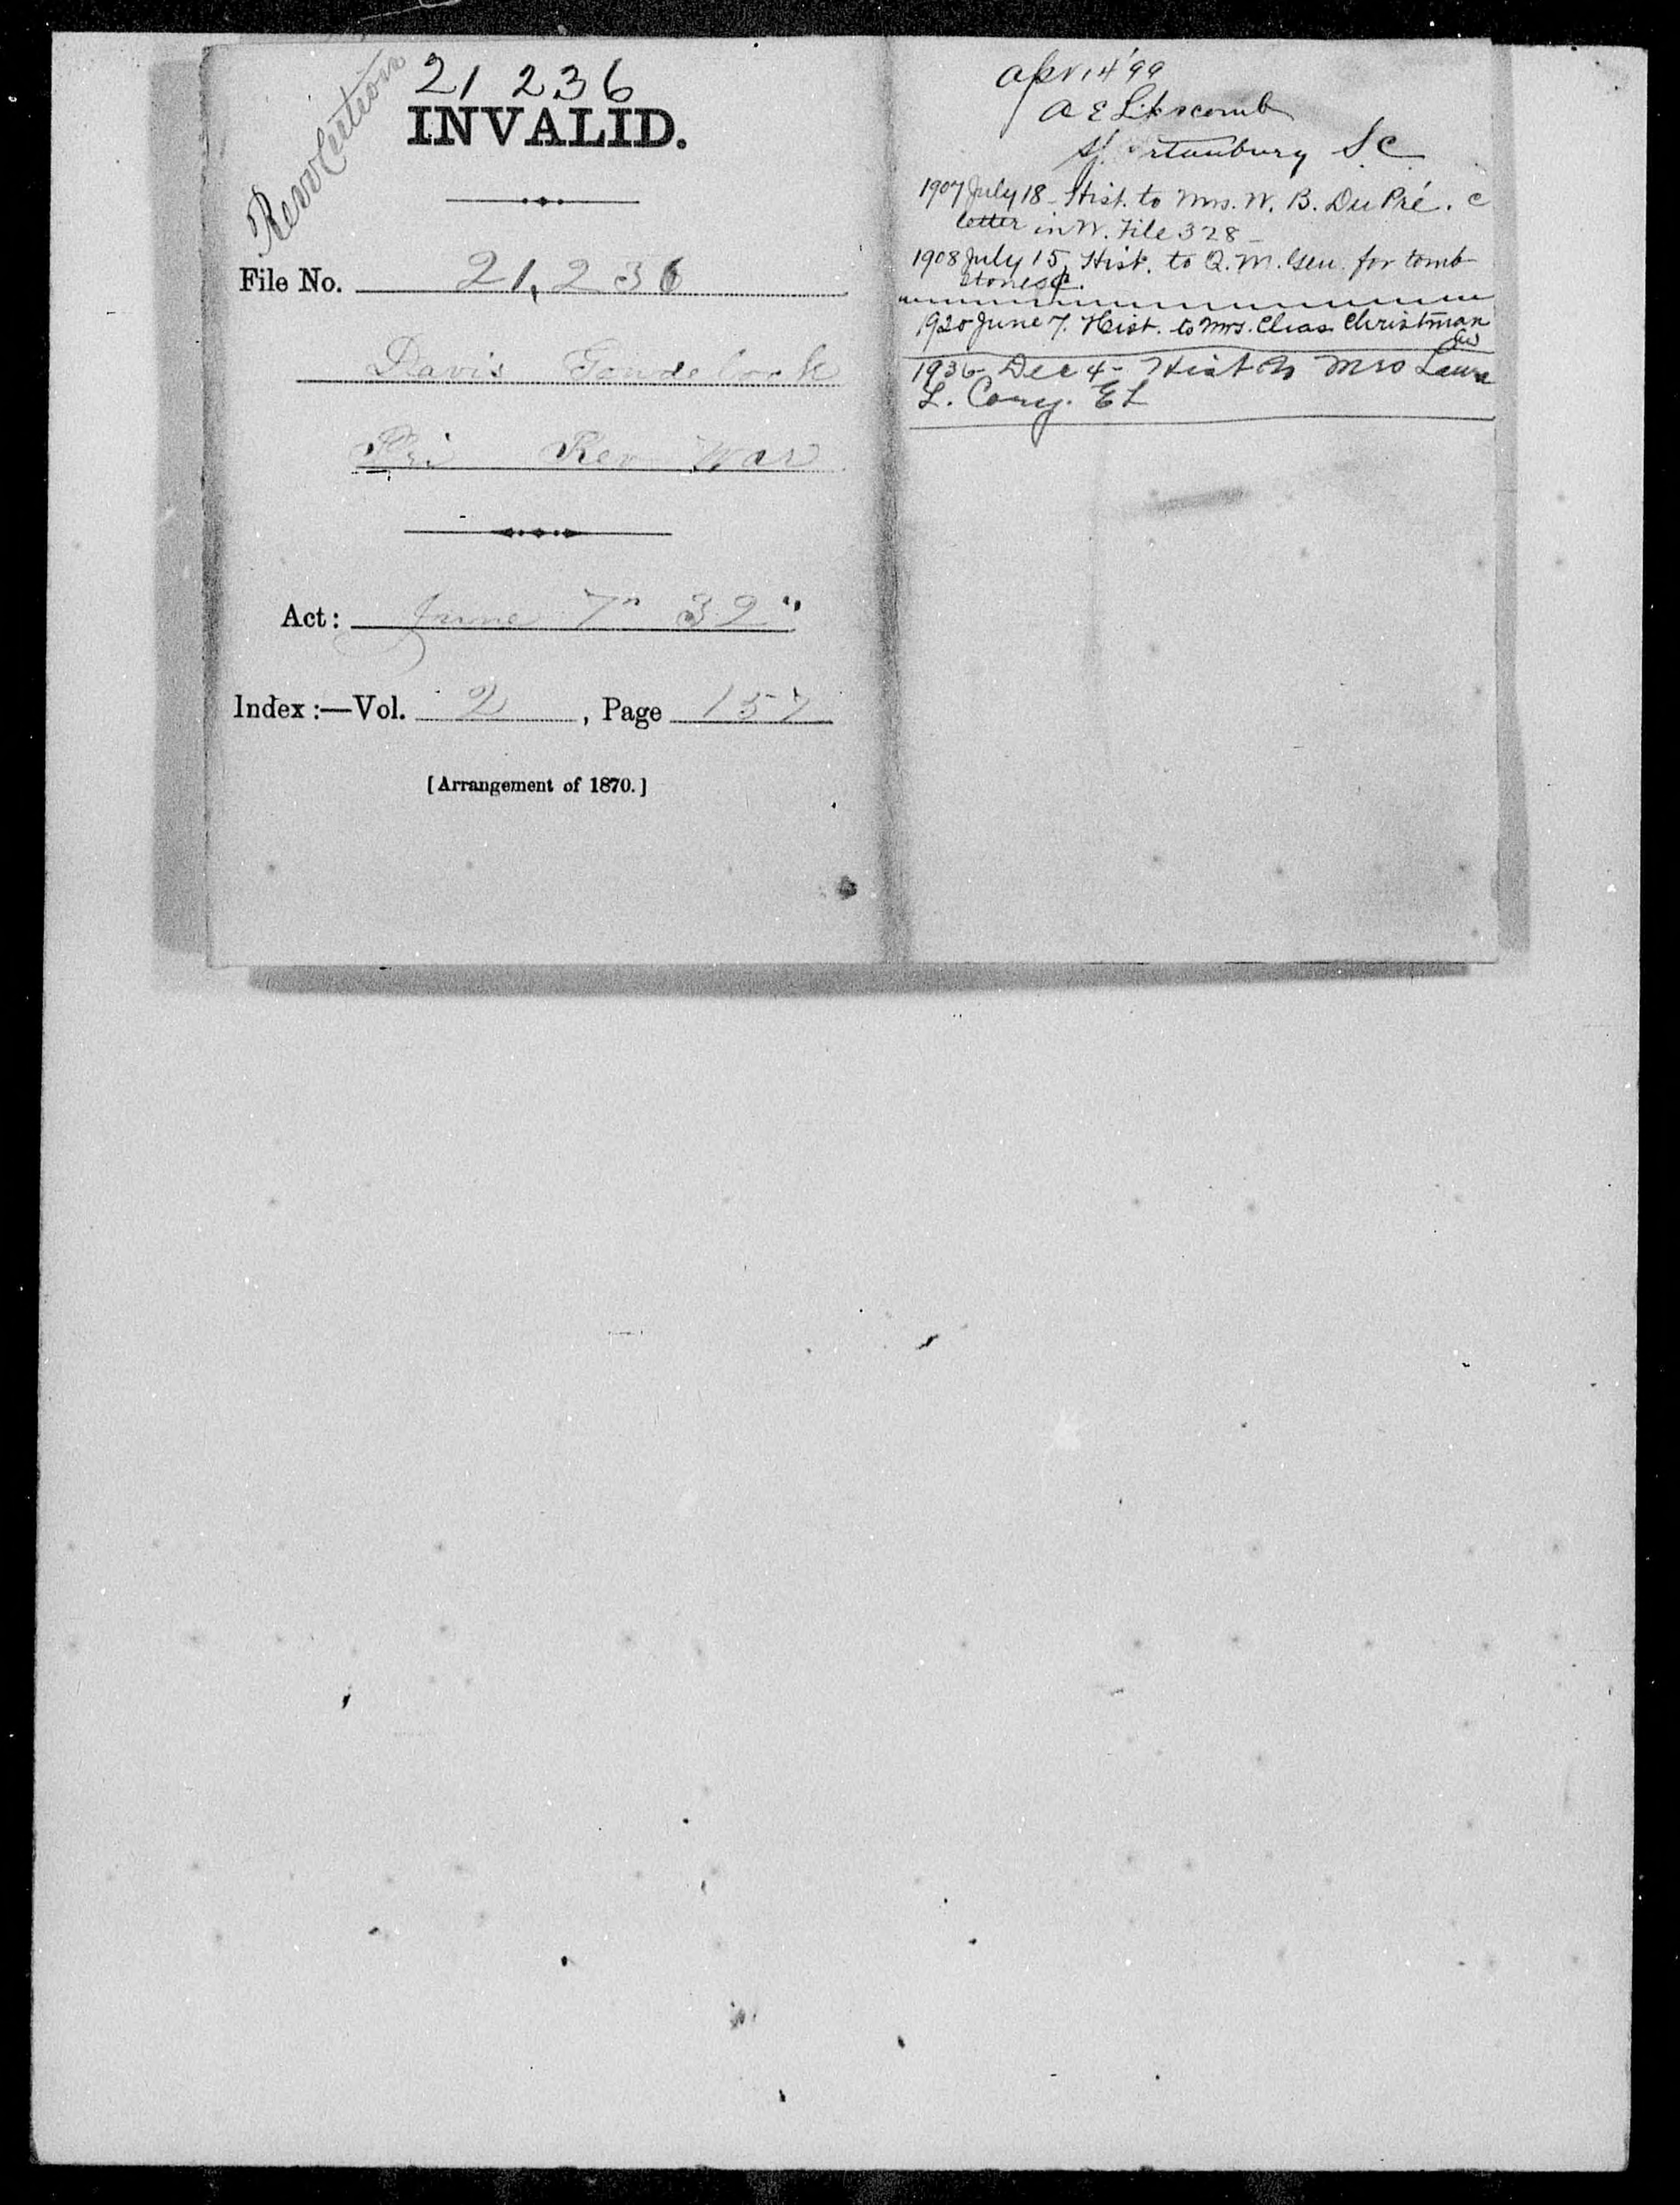Revolution
21 236
INVALID.
File No. 21,236
Davis Goudelock
Pri  Rev War 
Act:  June 7th 32"
Index: -- Vol. 2, Page 157
[Arrangement of 1870.]

Apr. 14 '99
A E Lipscomb
Spartanburg  S.C.
1907 July 18 - Hist. to Mrs. W. B. DuPre c letter 
in W. File 328 -
1908 Jul 15 Hist to Q.M. Gen. for tombstones 
1920 June 7. Hist. to Mrs. Chas Christman
SW
1936 Dec 4 - Hist to Mrs Laura L. Cory.  EL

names: A E Libscomb, Laura L Cory, Davis Goudelock, Chas Christman, W B Dupre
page: 15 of 18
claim: survivor's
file: S. 21,236, Davis Goudelock, S.C.